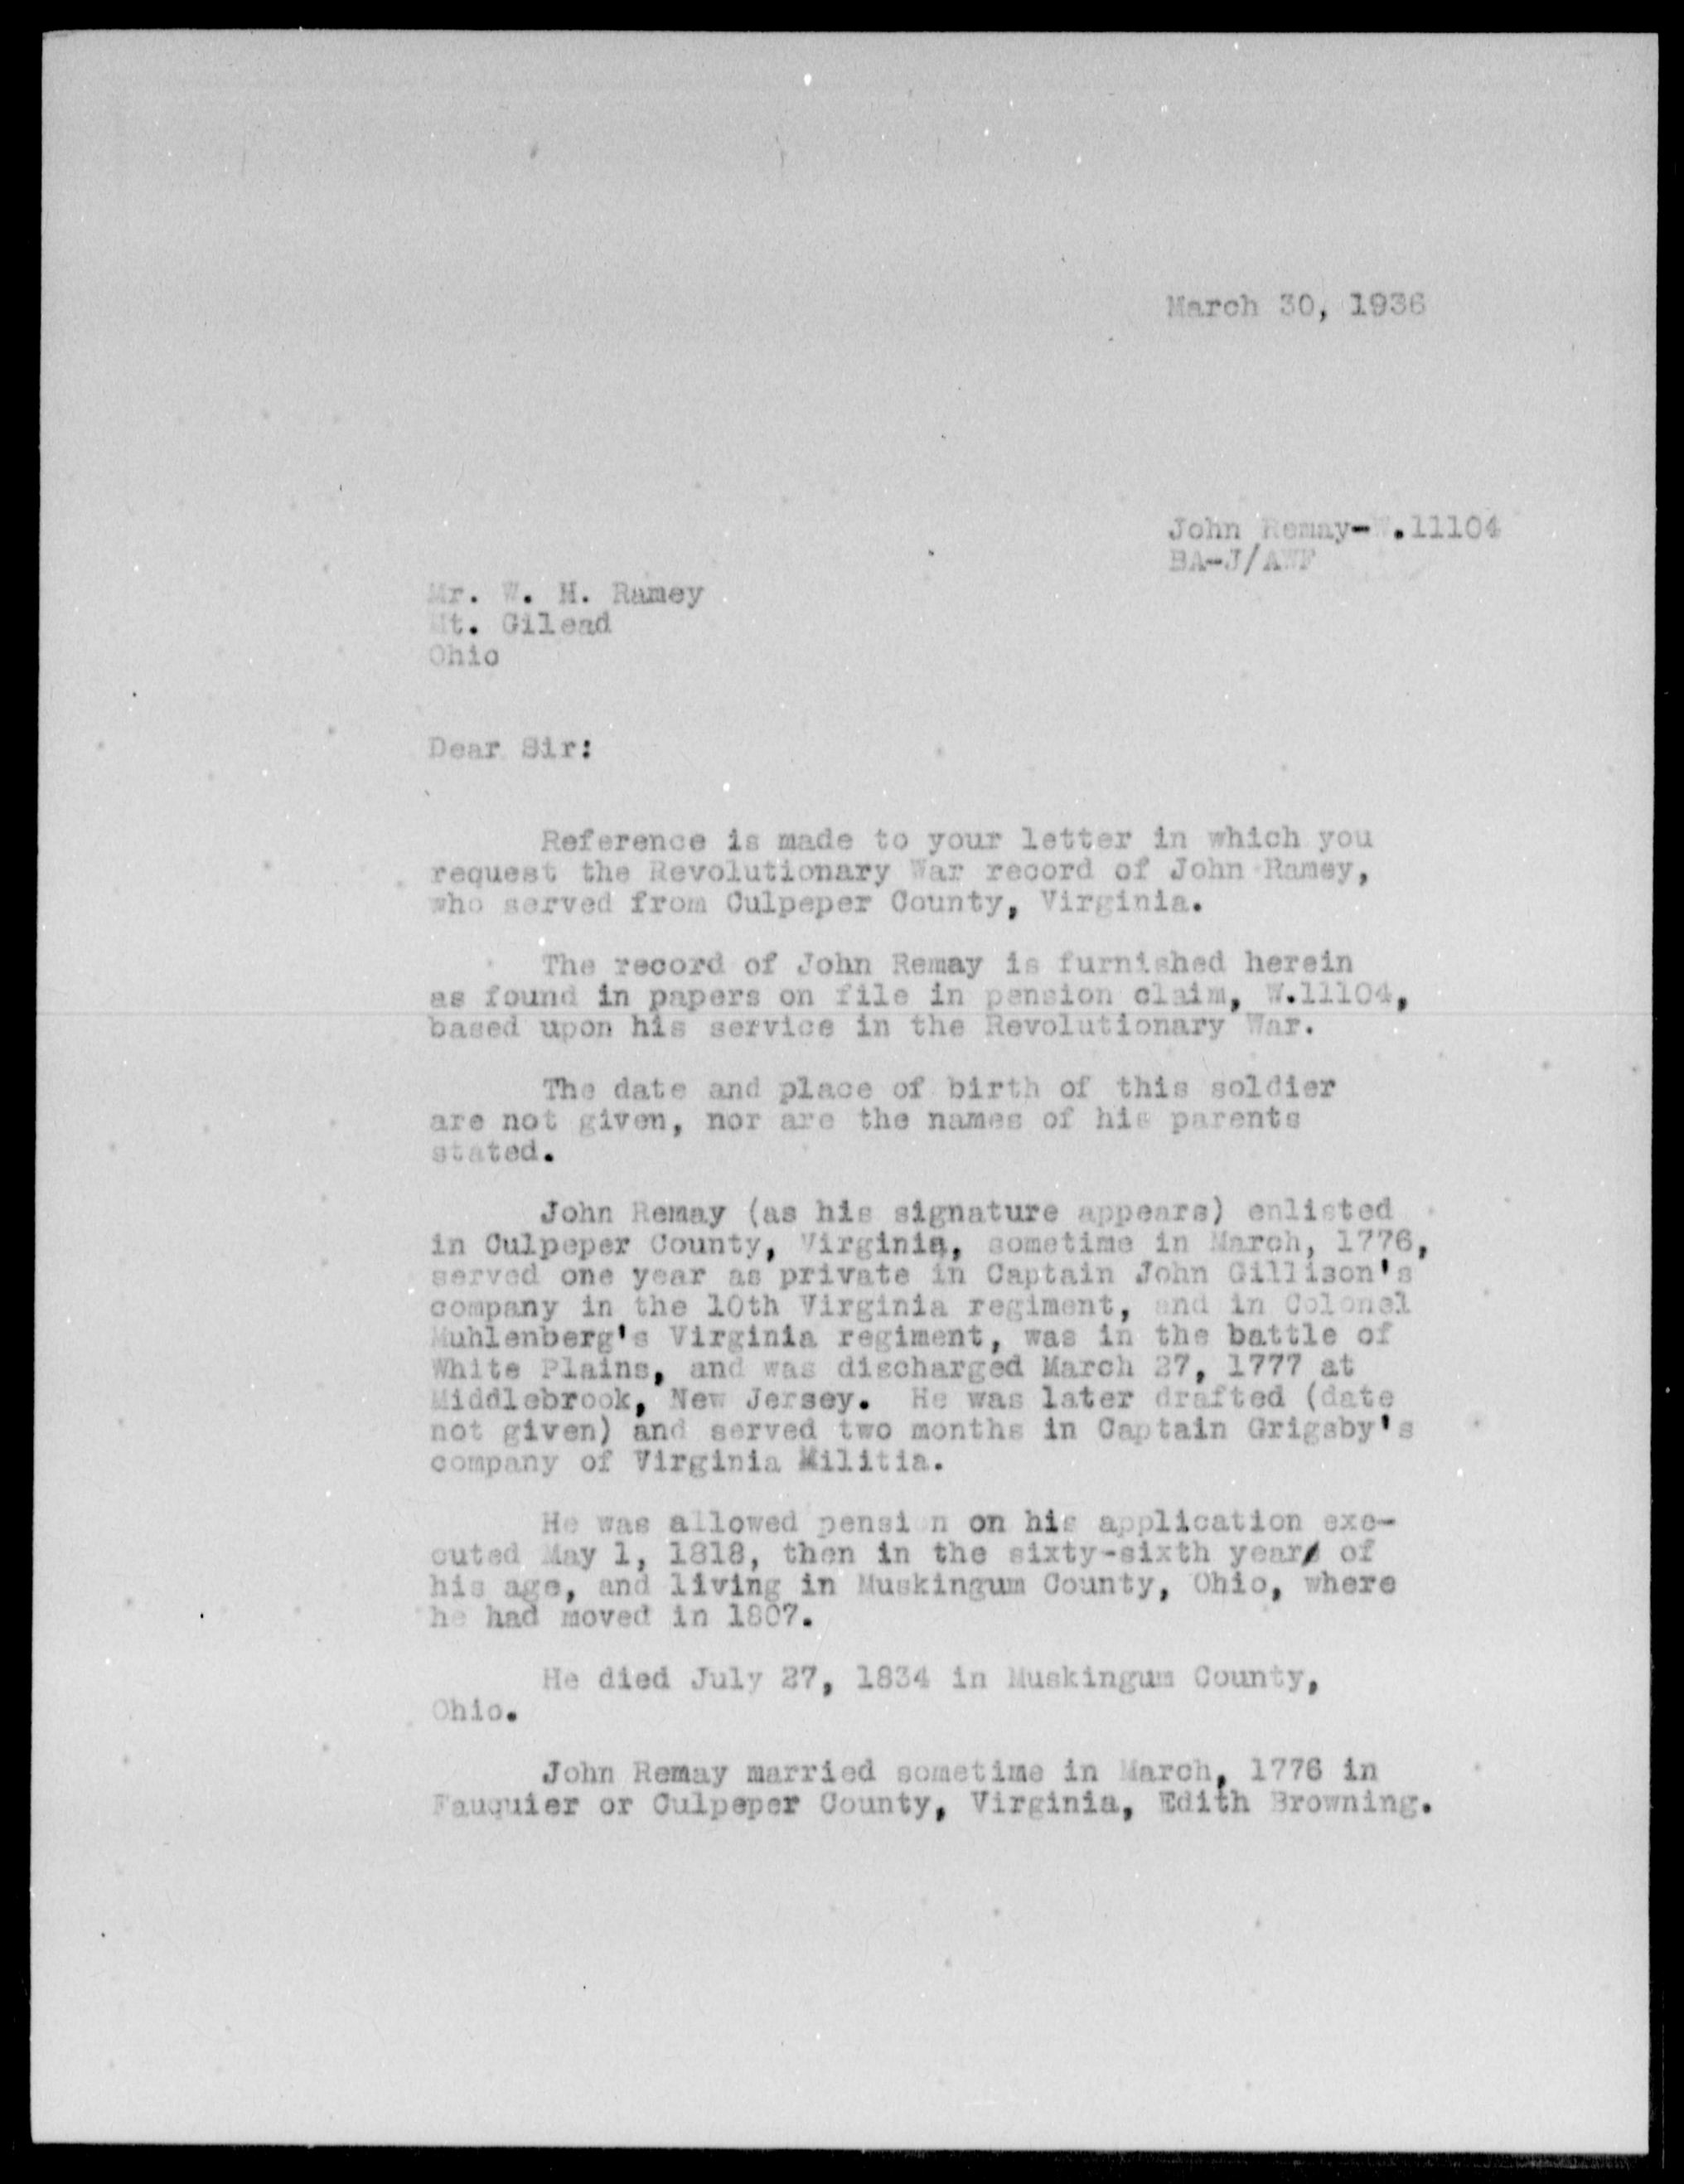March 30, 1936
John Remay-W.11104
BA-J/AWF
Mr. W. H. Ramey
Mt. Gilead
Ohio

Dear Sir:
Reference is made to your letter in which you request the Revolutionary War record of John Ramey, who served from Culpeper County, Virginia.
The record of John Remay is furnished herein as found in papers on file in pension claim, W. 11104, based upon his service in the Revolutionary War.
The date and place of birth of this soldier are not given, nor are the names of his parents stated.
John Remay (as his signature appears) enlisted in Culpeper County, Virginia, sometime in March, 1776, served one year as private in Captain John Gillison's company in the 10th Virginia regiment, was in the battle of White Plains, and was discharged March 27, 1777 at Middlebrook, New Jersey. He was later drafted (date not given) and served two months in Captain Grigsby's company of Virginia Militia.
He was allowed pension on his application executed May 1, 1818, then in the sixty-sixth year of his age, and living in Muskingum County, Ohio, where he had moved in 1807.
He died July 27, 1834 in Muskingum County, Ohio.
John Remay married sometime in March, 1776 in Fauquier or Culpeper County, Virginia, Edith Browning.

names: Edith Browning; John Ramey; John Remay; John Remay; John Remay; W H Ramey; John Remay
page: 14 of 84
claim: widow's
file: W.11104, for John Remay, Virginia